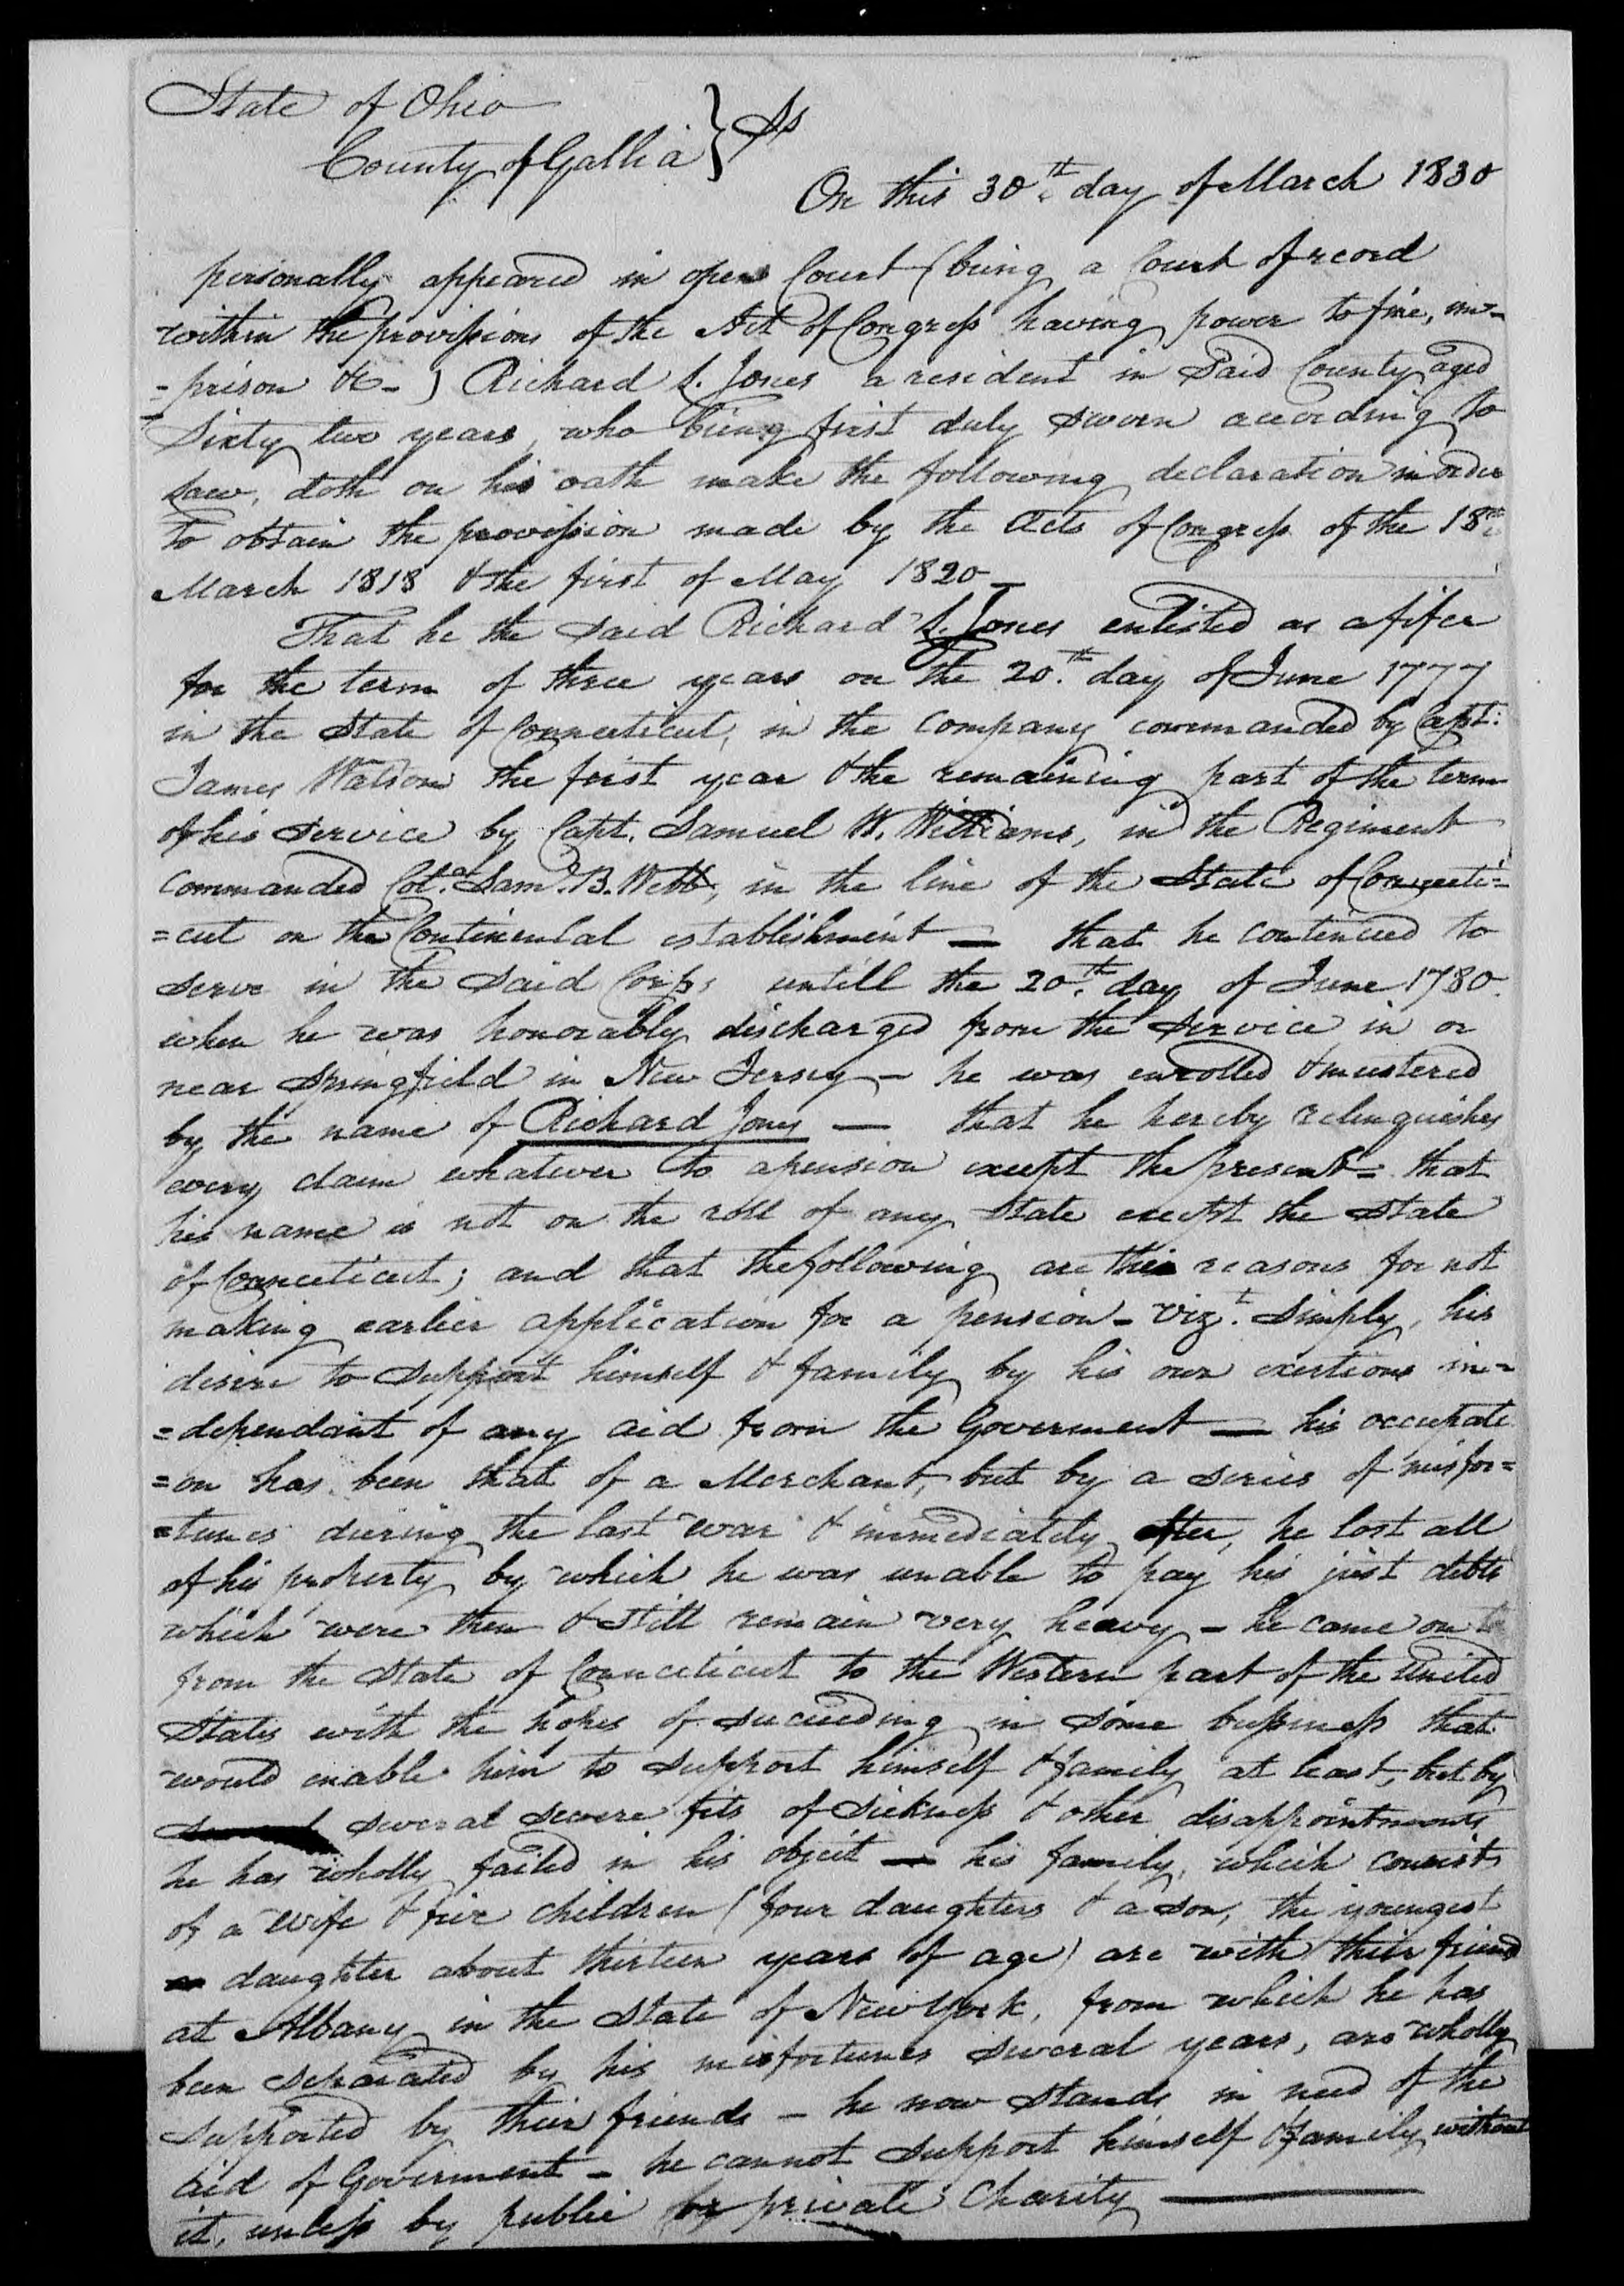State of Ohio
County of Gallia Ss.
On this 30th day of March 1830
personally appeared in open Court (being a Court of record within the provisions of the Act of Congress having power to fine, 
imprison &c ) Richard S. Jones a resident in said County aged Sixty two years, who being first duly sworn according to Law, doth on his oath make the following declaration in order
to obtain the provision made by the Acts of Congress of the 18th March 1818 & the first of May 1820
That he the said Richard S. Jones enlisted as a fifer for the term of three years on the 20th day of June 1777 in the State of Connecticut, in the company commanded by Capt. James Watson the first year & the remaining part of the term of his service by Capt. Samuel W. Williams, in the Regiment commanded Col. Saml B. Webb, in the line of the State of Connecticut on the Continental establishment that he continued to serve in the said Corps untill the 20th day of June 1780 when he was honorably discharged from the service in or
near Springfield in New Jersey - he was enrolled & mustered by the name of Richard Jones that he hereby relinquishes every claim whatever to a pension except the present that
his name is not on the roll of any State except the state of Connecticut, and that the following are his reasons for not making earlier application for a pension viz Simply, his
desire to support himself & family by his own exertions independent of any and from the Goverment [Government] his occupation
has been that of a Merchant, but by a series of misfortunes during the last war & immediately after he lost all of his property by which he was unable to pay his just debts which were them & still remain very heavy - he came on to
from the State of Connecticut to the Western part of the United States with the hopes of succeeding in some business that would enable him to support himself & family at least, but by several severe fits of sickness & other disappointments he has wholly failed in his object - his family, which consists
of a wife & five children four daughters & a son, the youngest daughter about thirteen years of age) are with their friend at Albany in the State of New York, from which he has
been separated by his misfortunes several years, are wholly supported by their friends-- he now stands in need of the need of aid of goverment [government]-- he cannot support himself family without it unless by public or private charity-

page: 13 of 62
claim: widow's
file: W. 765, for Richard L Jones, Connecticut